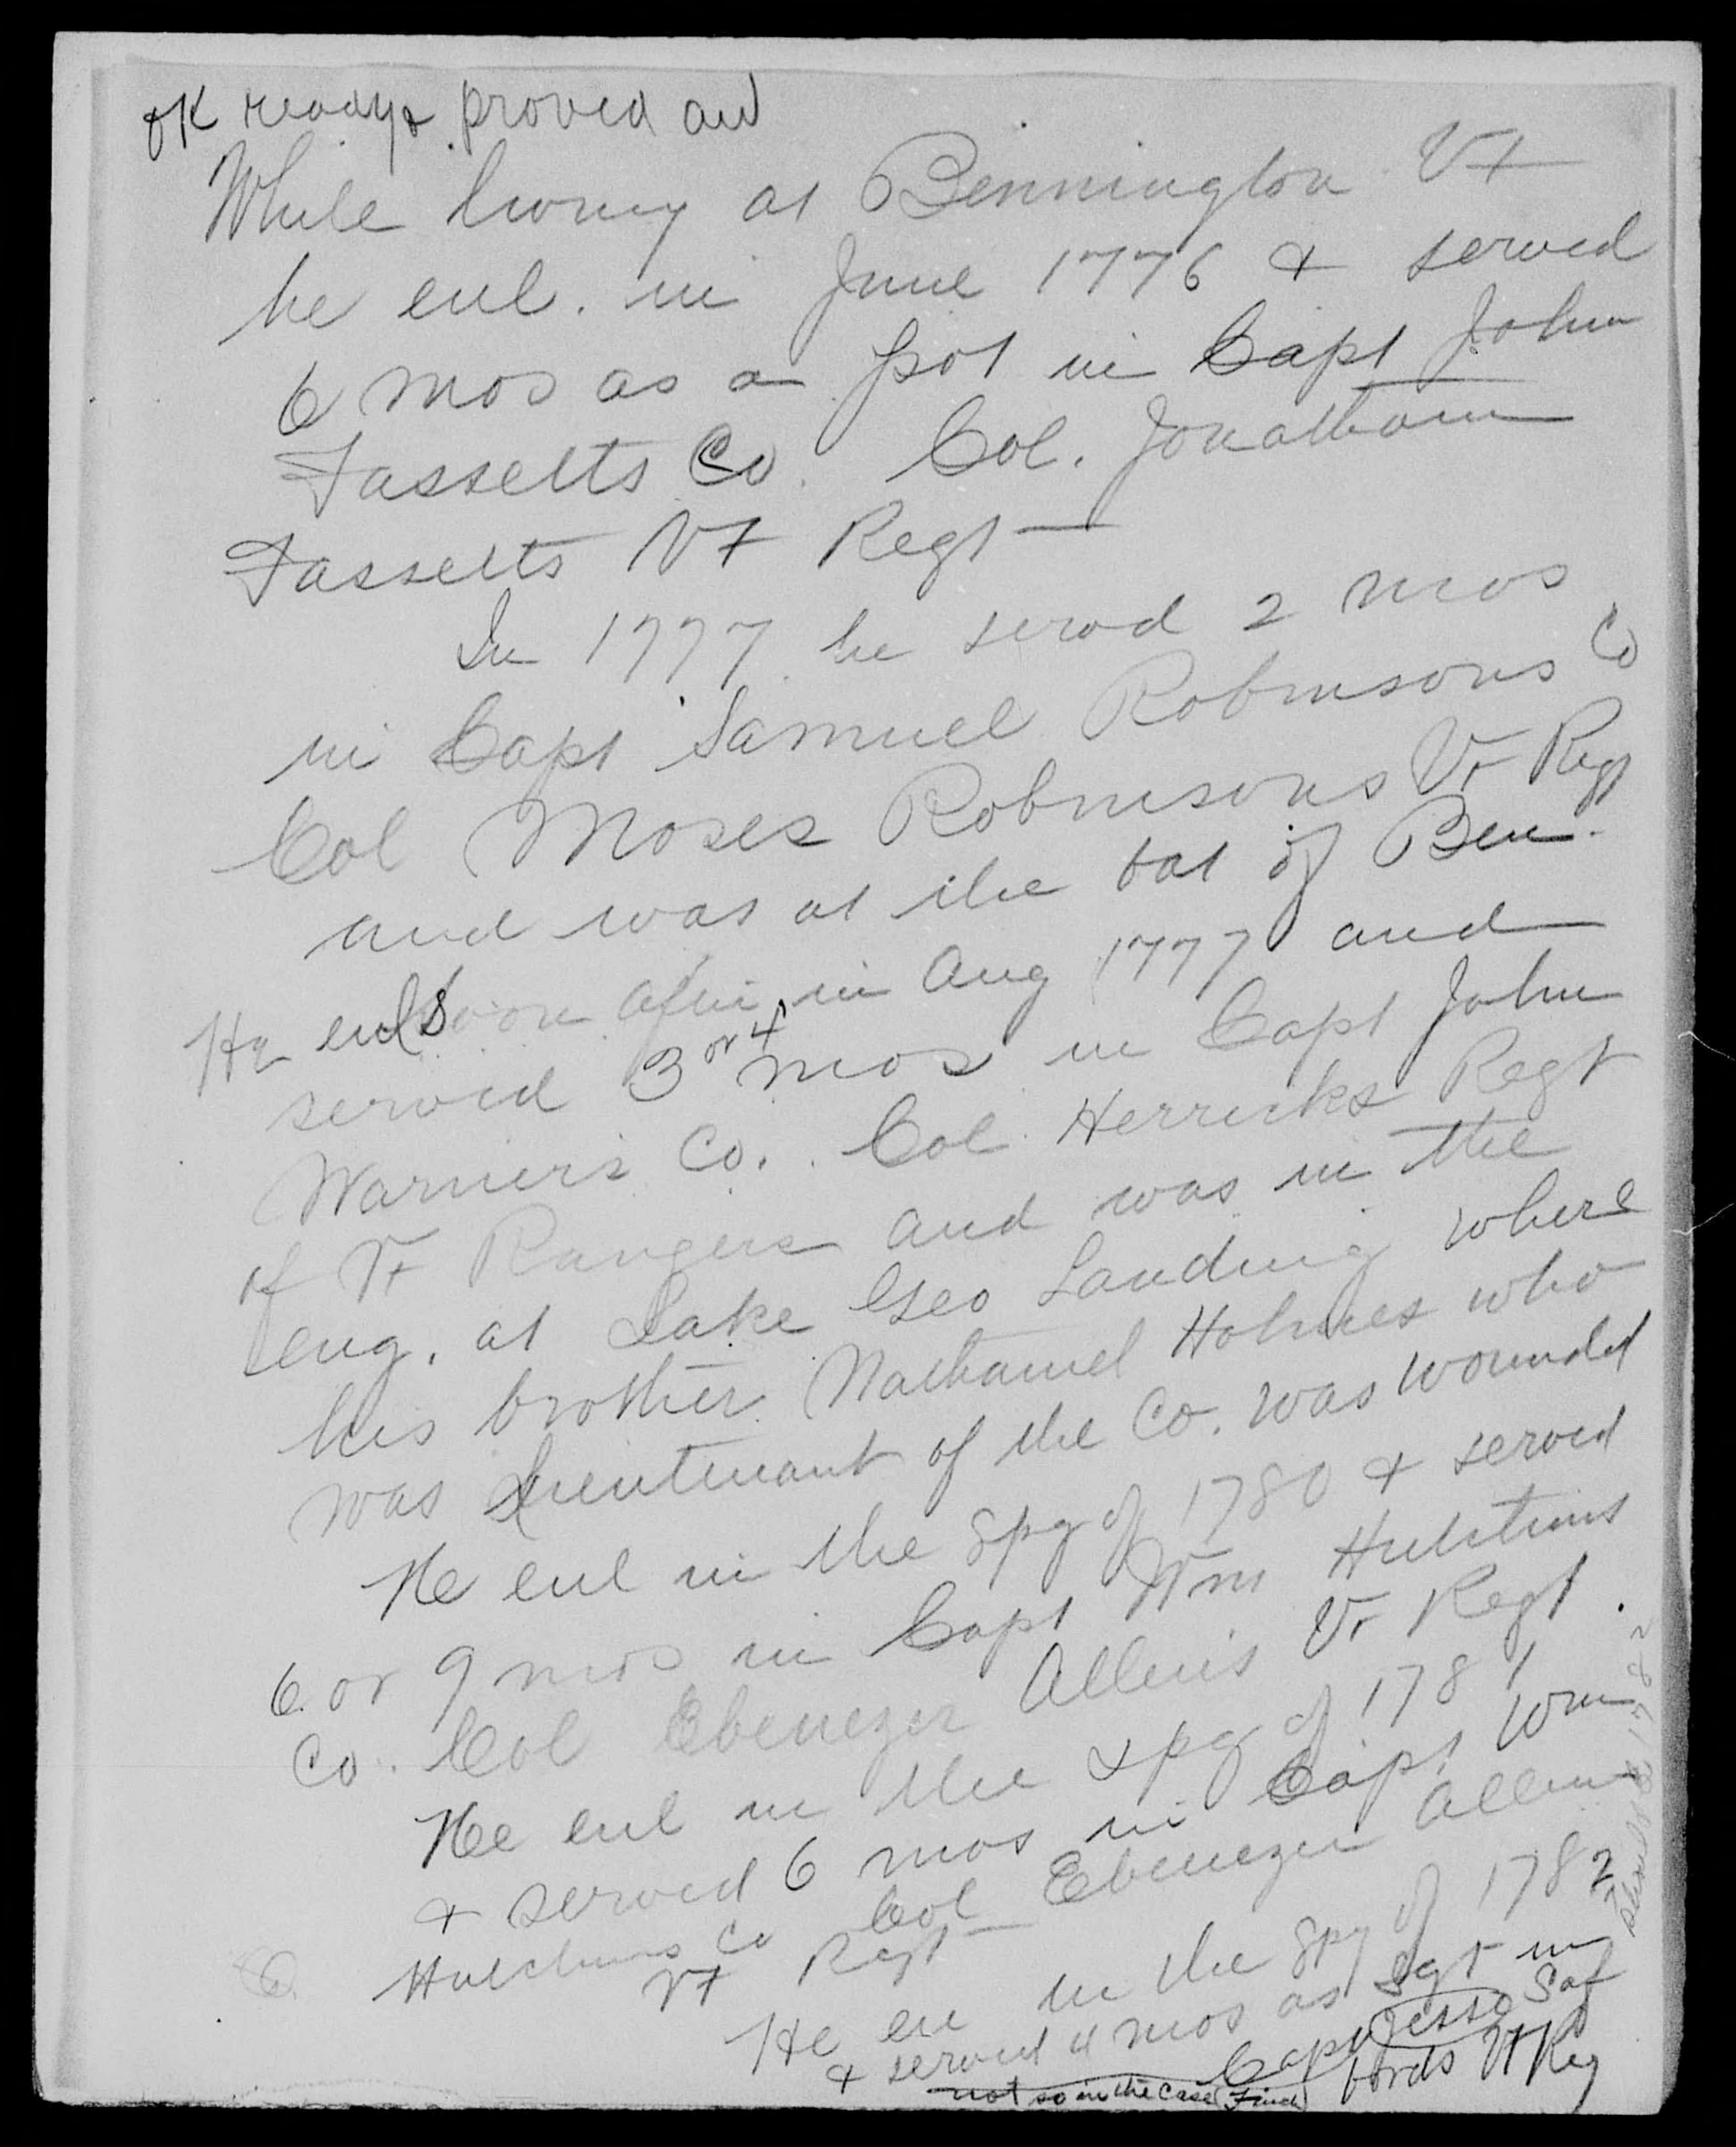OK ready & proved aw

While living at Bennington Vt he enl. in June 1776 + served 6 mos as a pvt in Capt John Fassetts Co. Col Jonathan Fassetts Vt Regt

In 1777 he servd 2 mos in Capt Samuel Robinsons Co Col Moses Robinsons Vt Reg and was at the bat of Ben.

He enl soon after in Aug 1777 and served 3 or 4 mos in Capt John Warner's Co. Col Herricks Regt of Vt Rangers and was in the eng. at Lake Geo Landing where his brother Nathaniel Holmes who was Lieutenant of the Co. was wounded

He enl in the Spg of 1780 + served 6 or 9 mos in Capt Wm Hutchins Co. Col Ebenezer Allen's Vt Regt.

He enl in the Spg of 1781 + served 6 mos in Capt Wm Hutchins Co Col Ebenezer Allens Vt Regt

He enl in the Spg of 1782 should be 1782 + served 4 mos as Sgt in Capt Jesse Saffords Vt Reg
not so in the case (find) [referring to Capt. Safford's first name, which is circled]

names: Jesse Safford, Nathaniel Holmes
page: 62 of 72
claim: widow's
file: W. 7771, Stephen Holmes, Vt.